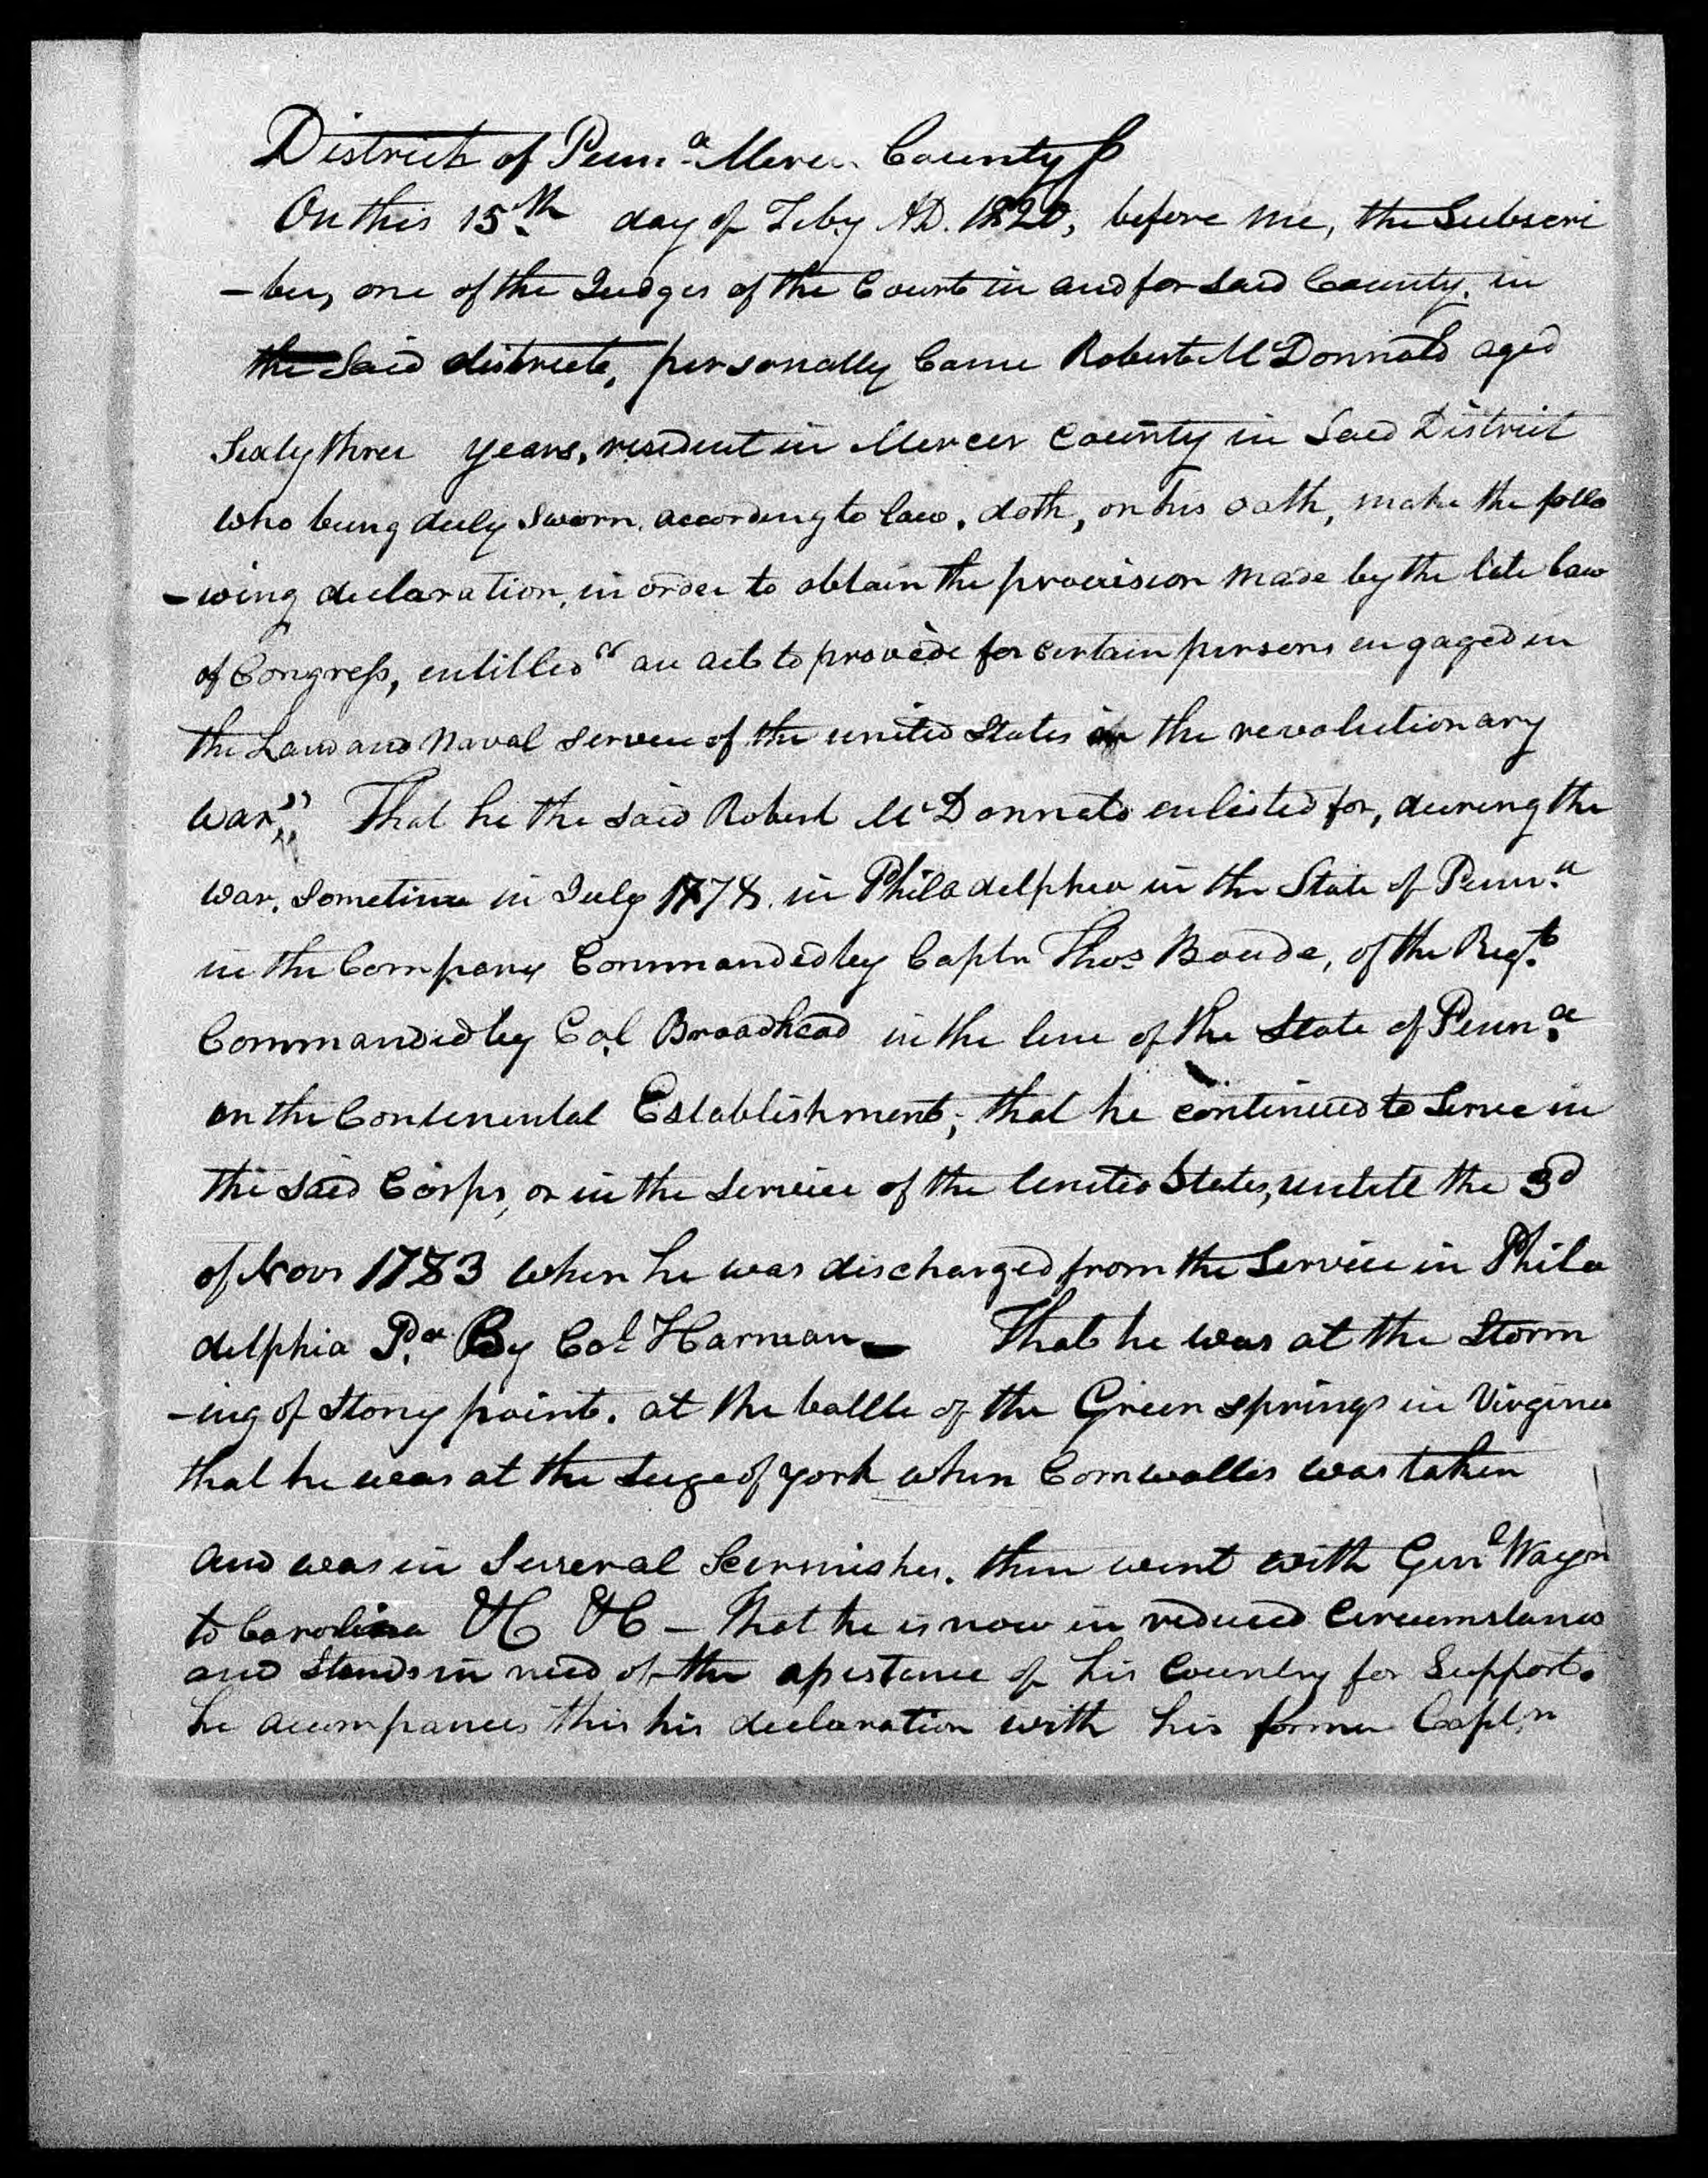District of Penn'a Mercer County ss
On this 15th day of Feby A.D. 1820, before me the Subscriber one of the Judges of the Court in and for said County in the said District, personally Came Robert McDonnals aged Sixty three years, resident of Mercer County in said District who being duly sworn according to law, doth, on his oath make the following declaration in order to obtain the provisions made by the late law of Congress entitled "an act to provide for certain persons engaged in the Land and Naval Service of the United Sates in the revolutionary War." That he the said Robert McDonnals enlisted for, during the War, sometime in July 1778 in Philadelphia in the State of Penn'a in the Continental Establishment, that he continued to serve in the said Corps, or in the services of the United States, until the 3rd of November 1783 when he was discharged from the Service in Philadelphia Pa By Colonel Harnean That he was at the Storming of Stonypoint. at the battle of the Green Springs in Virginia that he was at the Seige of York when Cornwallis was taken And was in Several Skirmishes. then went with General Wayne to Carolina  &C &C - That he is now in reduced circumstances and stands in need of the assistance of his country for Support. he accompanies this his declaration with his former Capt'n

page: 7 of 59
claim: widow's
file: W 3703, for Robert Mc Donald, Pennsylvania